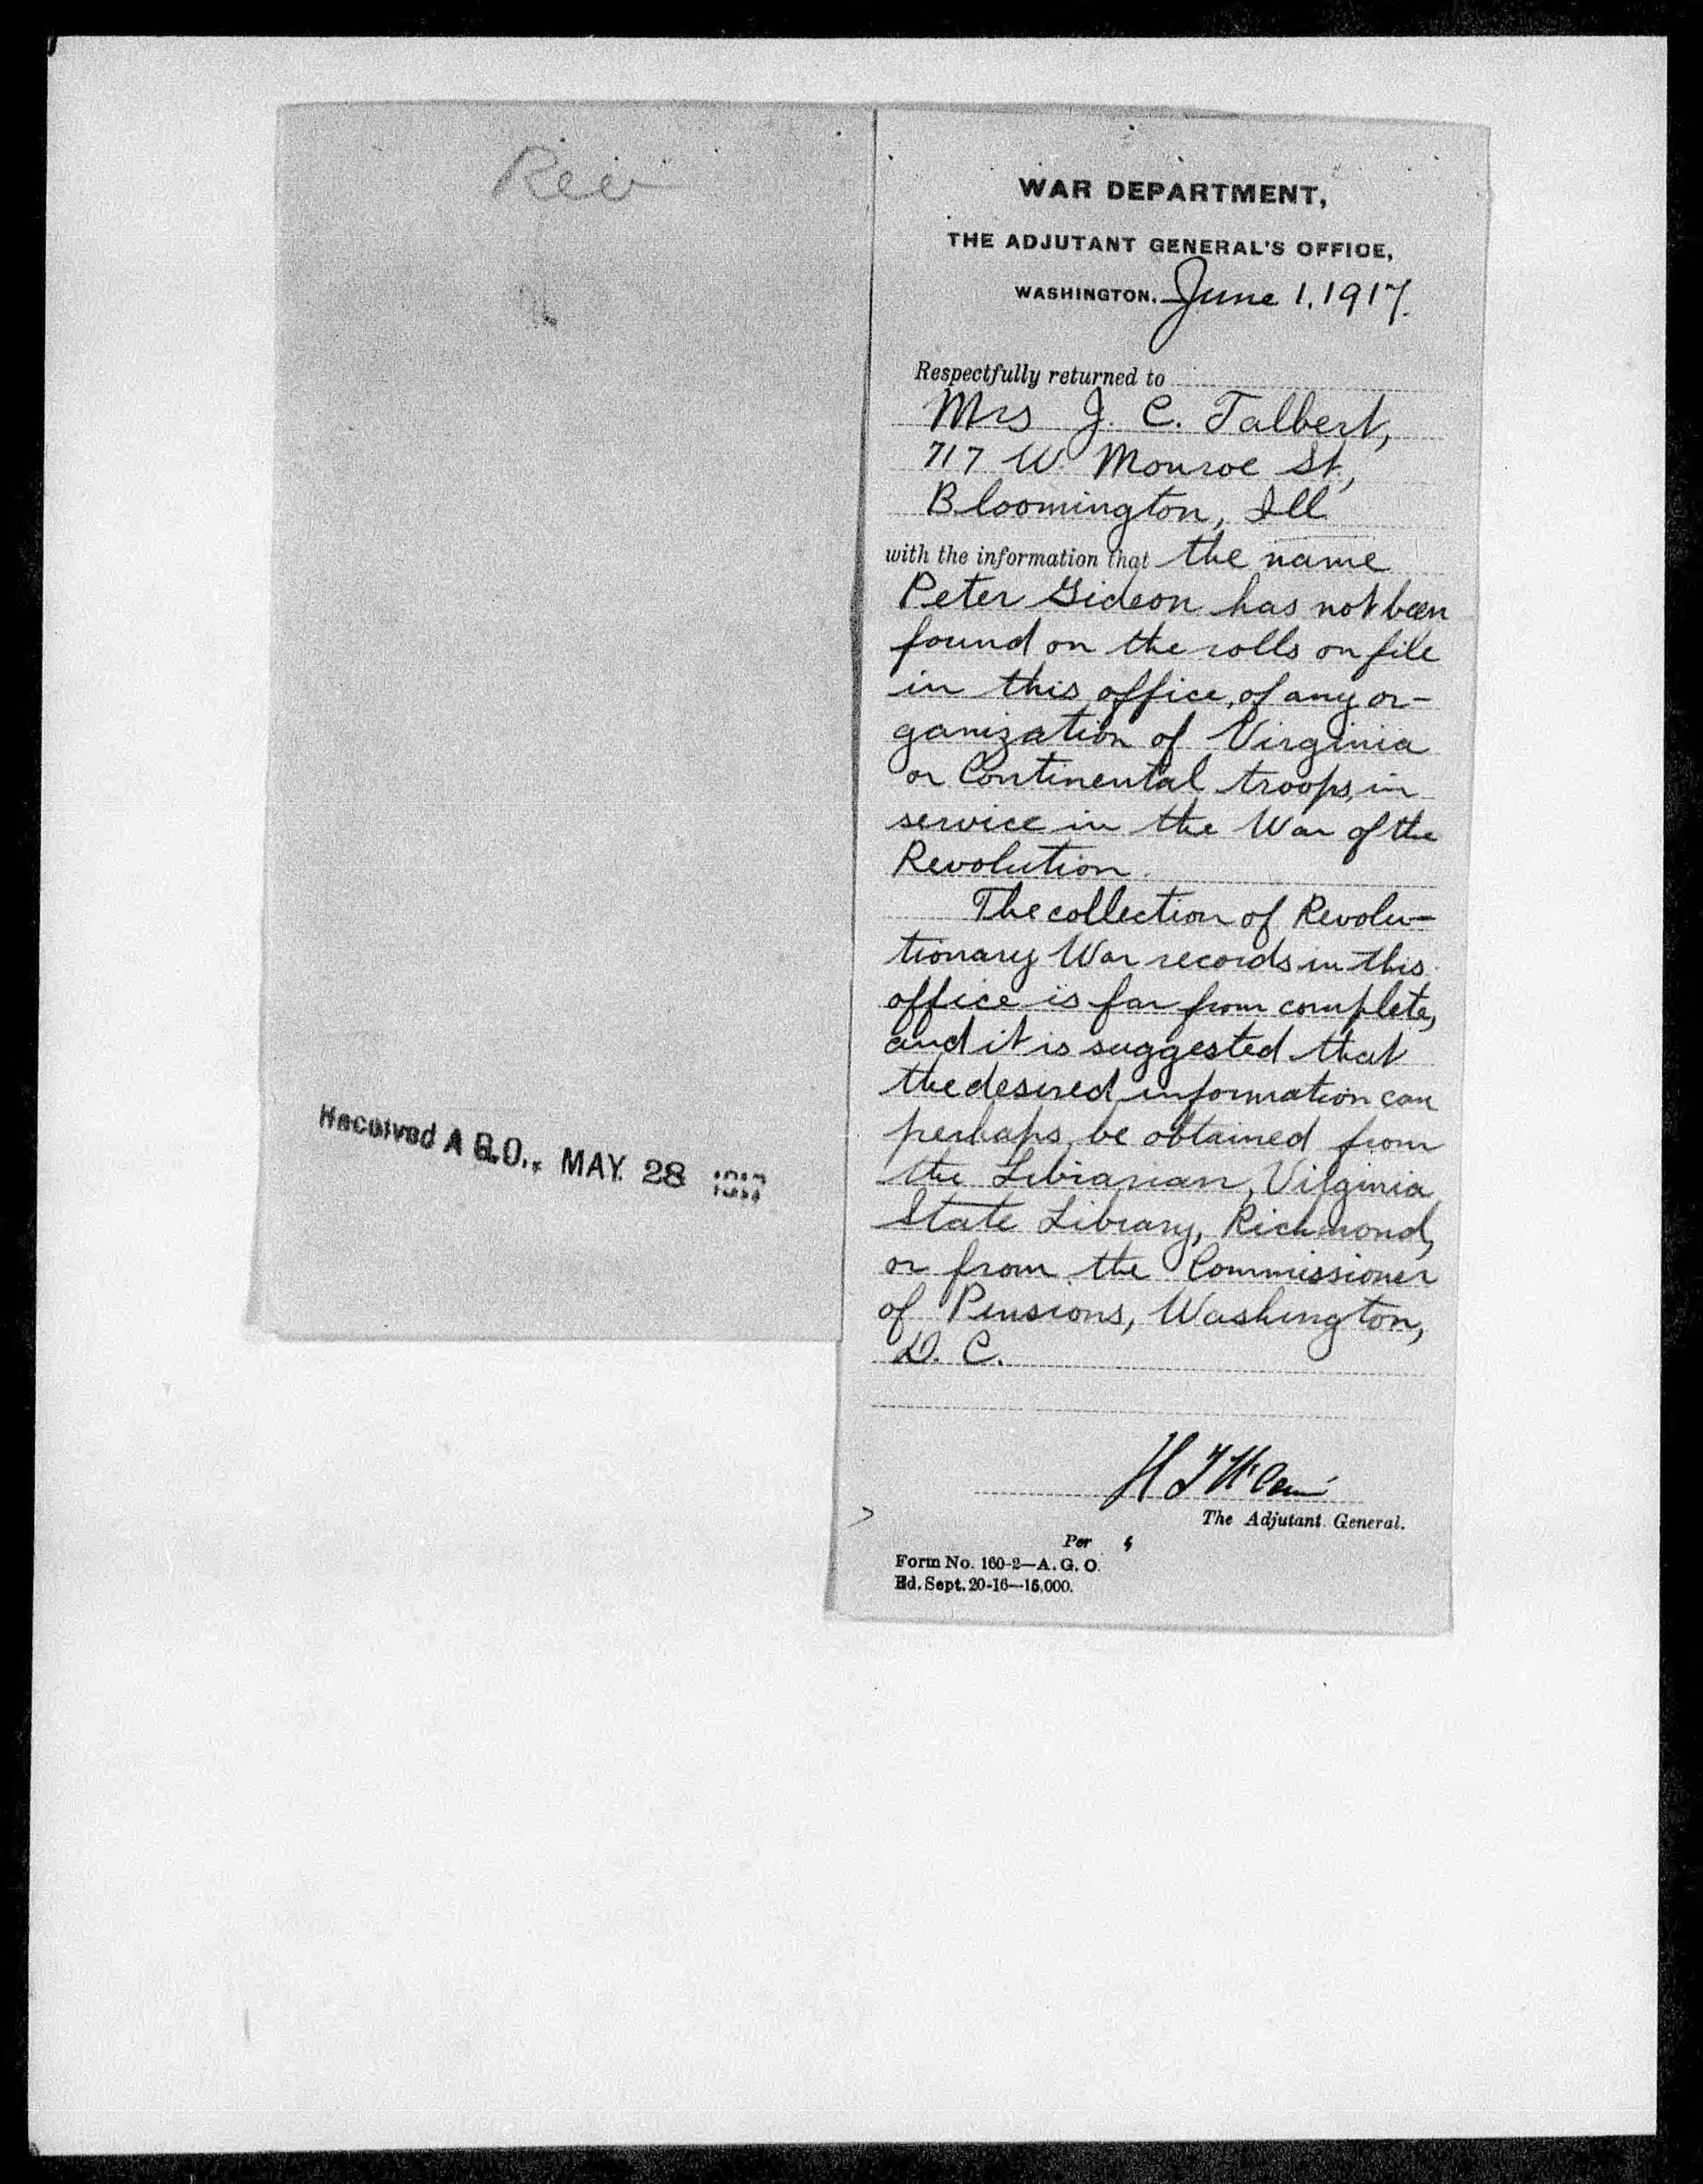Received
ARO, MAY 28 22

WAR DEPARTMENT.
THE ADJUTANT GENERAL'S OFFICE,
Washington June 1, 1917

Respectfully returned to
Mrs J. C. Talbert,
117 W. Monroe is
Bloomington, Ill
with the information In the name
Peter Gideon has not been
found on the rolls on file
in this office, of any organization
of Virginia or Continental troops in
service in the War of the Revolution.

The collection of Revolutionary
War records in this office is far from complete,
and it is suggested that the
desired information can
perhaps, be obtained from
the Librarian, Virginia
State Library, Richmond,
or from the Commissioner
of Pensions, Washington,

[signature illegible]
The Adjutant General.
D.C.
Por
Form No. 102 -- A. G. O.
Ed. Sept. 20 - 16 -- 15,000.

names: Peter Gideon, H T Mc Cain, J C Talbert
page: 38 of 64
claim: survivor's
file: S. 6887, Peter Gideon, Md.